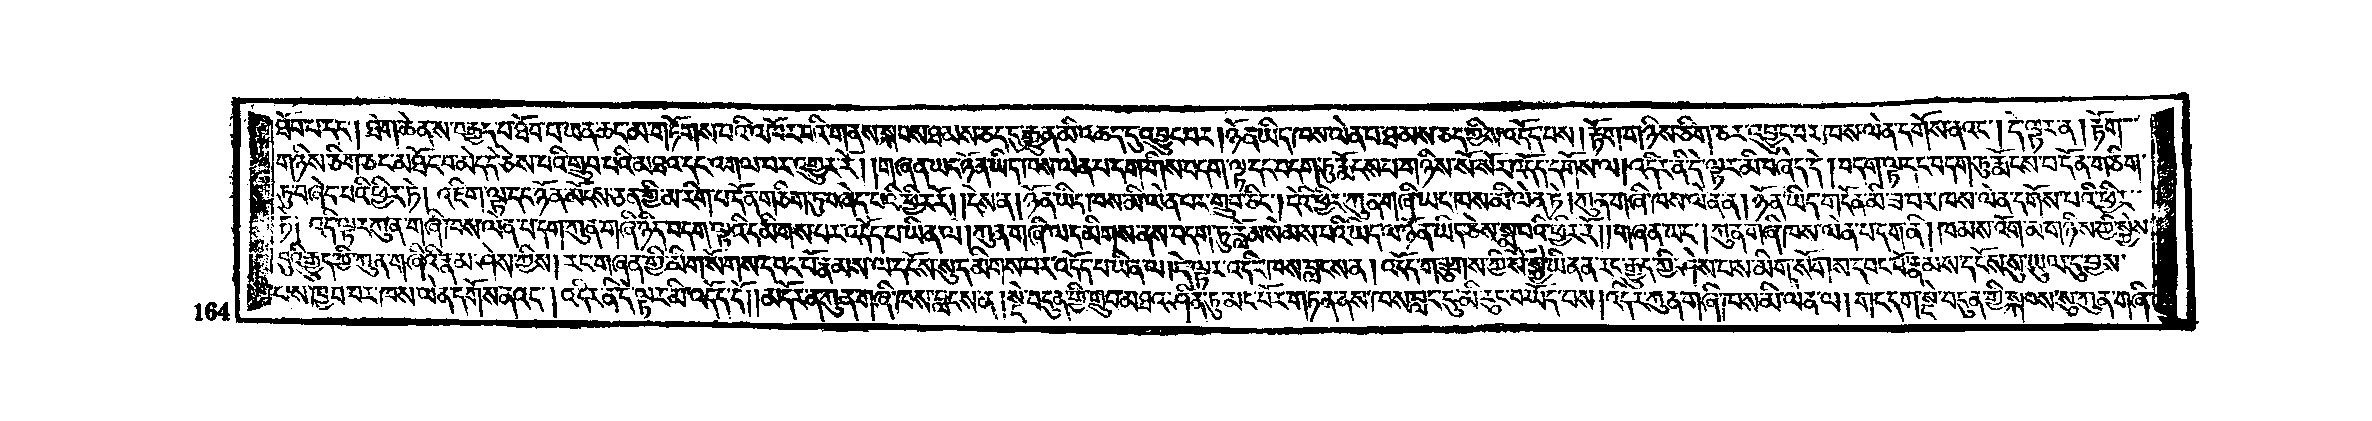ཐོབ་པ་དང་། ཐེག་ཆེན་ས་བརྒྱད་པ་ཐོབ་པ་ཡིན་ཆད་མ་གཏོགས་པའི་འཁོར་བའི་གནས་སྐབས་ཐམས་ཅད་དུ་རྒྱུན་མི་འཆད་དུ་འབྱུང་བར། ཉོན་ཡིད་ཁས་ལེན་པ་ཐམས་ཅད་ཀྱིས་འདོད་པས། རྟོག་གཉིས་ཅིག་ཅར་འབྱུང་བར་ཁས་ལེན་དགོས་ནའང་། དེ་ལྟར་ན། རྟོག་
གཉིས་ཅིག་ཅང་མཐོང་བ་མེད་དེ་ཅེས་པའི་གྲུབ་པའི་མཐའ་དང་འགལ་བར་འགྱུར་རོ། །གཞན་ཡང་ཉོན་ཡིད་ཁས་ལེན་པ་དག་གིས་བདག་ལྟ་དང་བདག་ཏུ་རྨོངས་པ་གཉིས་སོ་སོར་འདོད་དགོས་ལ། འདིར་ནི་དེ་ལྟར་མི་བཞེད་དེ། བདག་ལྟ་དང་བདག་ཏུ་རྨོངས་པ་དོན་གཅིག་
ཏུ་བཞེད་པའི་ཕྱིར་ཏེ། འཇིག་ལྟ་དང་ཉོན་མོངས་ཅན་གྱི་མ་རིག་པ་དོན་གཅིག་ཏུ་བཞེད་པའི་ཕྱིར་རོ། །དེས་ན། ཉོན་ཡིད་ཁས་མི་ལེན་པར་གྲུབ་ཅིང་། དེའི་ཕྱིར་ཀུན་གཞི་ཡང་ཁས་མི་ལེན་ཏེ། ཀུན་གཞི་ཁས་ལེན་ན། ཉོན་ཡིད་གདོན་མི་ཟ་བར་ཁས་ལེན་དགོས་པའི་ཕྱིར་
ཏེ༑ འདི་ལྟར་ཀུན་གཞི་ཁས་ལེན་པ་དག་ཀུན་གཞི་ཉིད་བདག་ལྟའི་དམིགས་པར་འདོད་པ་ཡིན་ལ། ཀུན་གཞི་ལ་དམིགས་ནས་བདག་ཏུ་རློམ་སེམས་པའི་ཡིད་ལ་ཉོན་ཡིད་ཅེས་སྨྲ་བའི་ཕྱིར་རོ། །གཞན་ཡང་། ཀུན་གཞི་ཁས་ལེན་པ་དག་ནི། ཁམས་འོག་མ་གཉིས་ཀྱི་སྐྱེས་
བུའི་རྒྱུད་ཀྱི་ཀུན་གཞིའི་རྣམ་ཤེས་ཀྱིས། རང་གཞན་གྱི་མིག་སོགས་དབང་པོ་རྣམས་ལ་དངོས་སུ་དམིགས་པར་འདོད་པ་ཡིན་ལ། དེ་ལྟར་འདིར་ཁས་བླངས་ན། འདོད་གཟུགས་ཀྱི་སོ་སྐྱེ་ཡིན་ན་རང་རྒྱུད་ཀྱི་ཤེས་པས་མིག་སོགས་དབང་པོ་རྣམས་དངོས་སུ་ཡུལ་དུ་བྱས་
པས་ཁྱབ་པར་ཁས་ལེན་དགོས་ནའང་། འདིར་ནི་དེ་ལྟར་མི་འདོད་དོ། །མདོར་ན་ཀུན་གཞི་ཁས་བླངས་ན། སྡེ་བདུན་གྱི་གྲུབ་མཐའ་ཤིན་ཏུ་མང་པོར་གཏན་ནས་ཁས་བླང་དུ་མི་རུང་བ་ཡོད་པས། འདིར་ཀུན་གཞི་ཁས་མི་ལེན་ལ། གང་དག་སྡེ་བདུན་གྱི་སྐབས་སུ་ཀུན་གཞི་